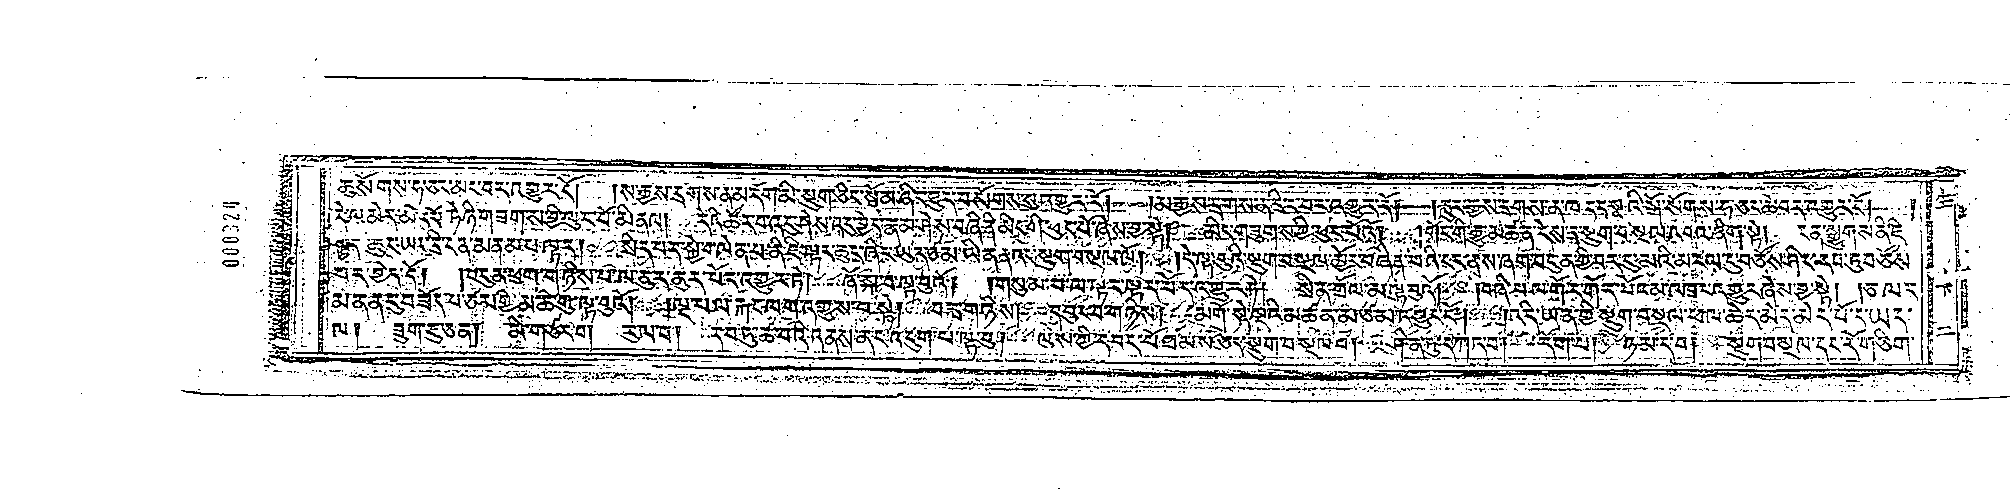ཆུ་སོགས་ཧ་ཅང་མང་བར་འགྱུར་རོ། །ས་རྒྱས་དྲགས་ན་མདོག་མི་སྡུག་ཅིང་སྦོམ་ཞིང་ཐུད་བ་སོགས་སུ་འགྱུར་རོ། །མེ་རྒྱས་དྲགས་ན་དྲིང་བར་འགྱུར་རོ། །རླུང་རྒྱས་དྲགས་ན་ཁ་དད་སྣའི་སྒོ་སོགས་ཧ་ཅང་ཆེ་བར་འགྱུར་རོ། །
དེ་ལ་མེར་མེར་པོ་ཏེ་ཉི་གཟག་ས་བྱི་ལུང་པོ་མིན་ལ། དེའི་ཚོར་བ་འདུ་ཤེས་འདུ་བྱེད་རྣམ་ཤེས་བཞི?་ནི་མིང་གི་ཕུང་པོ་ཞེས་བྱ་སྟེ། མིད་གཟུགས་ཀྱི་ཕུང་པོའོ། །གོང་གི་རྒྱུ་མཚན་དེས་ན་སྡུག་བསྔལ་འབའ་ཞིག་སྟེ། ངན་སྒྱུགས་ནི་ཇི་
ལྟར་ཆུང་ཡང་དྲི་ངན་མནམ་པ་ལྟར། སྲིད་པར་སྐྱེ་བ་ལེན་པ་ནི་ཇི་ལྟར་ཆུང་ཞིང་ཡུད་ཙམ་ཡིན་ནའང་སྡུག་བསྔལ་ལོ། །དེ་ལྟ་བུའི་སྡུག་བསྔལ་མྱོང་བཞིན་པའི་ངང་ནས་ཞག་བདུན་གྱི་བར་དུ་མའི་མངལ་དུ་བཙོས་ཤིང་རབ་ཏུ་བཙོས་
པར་བྱེད་དོ། །བདུན་ཕྲག་གཉིས་པ་ལ་ནུར་ནུར་པོར་འགྱུར་ཏེ། ཞོ་སྐ་བ་ལྟ་བུའོ། །གསུམ་པ་ལ་ལྟར་ལྟར་པོར་འགྱུར་ཏེ། སྲིན་གྲོལ་མ་ལྟ་བུའོ། །བཞི་པ་ལ་གོར་གོར་པོའམ་འཁྲང་འགྱུར་ཞེས་བྱ་སྟེ། །ཅ་ལང་
མནན་དུ་བཟོད་པ་ཙམ་གྱི་མཆི་གུ་ལྟ་བུའོ། །ལྔ་པ་ལ་རྐང་ལག་འགྱུས་བ་སྟེ། བྲལ་གཉིས། དབུང་བ་གཉིས། མགོ་སྟེ་ལྔའི་མཚན་མ་ཙམ་འབྱུང་ངོ། །འདི་ཡན་གྱི་སྡུག་བསྔལ་ཕལ་ཆེར་མེར་མེར་པོ་ང་ཡང་
ལ། ཟུག་རྡུ་ཅན། མི་གཙང་བ། རུལ་བ། རབ་ཏུ་ཚ་བའི་འྣས་ནང་འདུག་པ་ལྟ་བུ། ལུས་ཀྱི་དབང་པོ་ཐམས་ཅད་སྡུག་བསྔལ་བ། ཤིན་ཏུ་དཀའ་བ། དོག་པ། ཉམ་ད་བ། སྡུག་བསྔལ་དང་རོ་གཅིག་